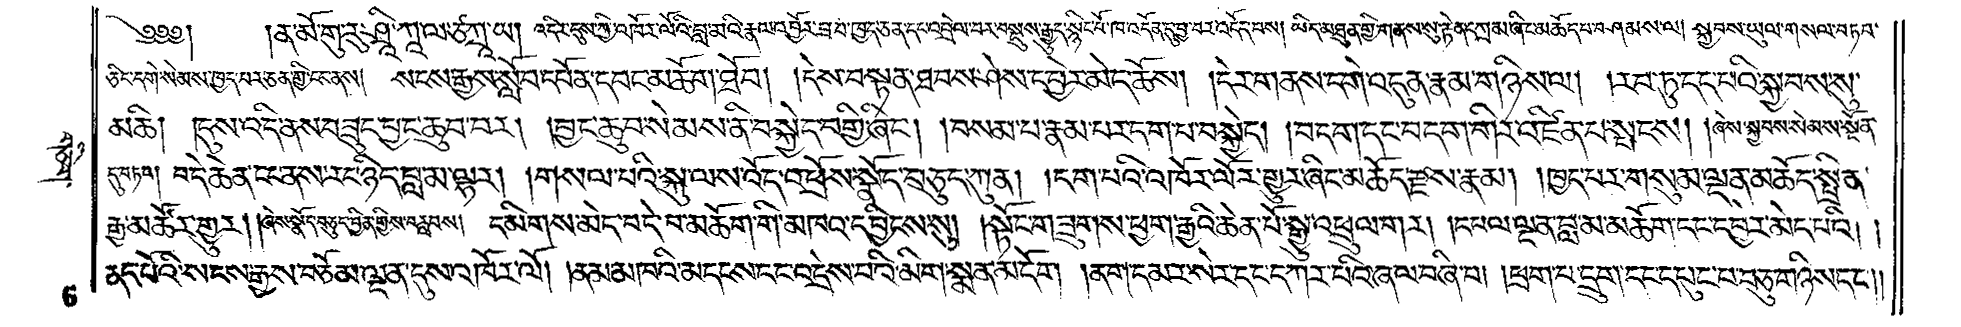༄༅༅། །ན་མོ་གུ་རུ་ཤྲཱི་ཀཱ་ལ་ཙཀྲའ་ཡ། འདིར་དུས་ཀྱི་འཁོར་ལོའི་བླ་མའི་རྣལ་འབྱོར་ཟབ་ཁྱད་ཅན་དང་འབྲེལ་བར་བསྡུས་རྒྱུད་སྙིང་པོ་ཁ་འདོན་དུ་བྱ་བར་འདོད་པས། ཡིད་མཐུན་གྱི་གནས་སུ་རྟེན་དཀྲམ་ཞིང་མཆོད་པ་བཤམས་ལ། སྐྱབས་ཡུལ་གསལ་བཏབ་
ཅིང་དགེ་སེམས་ཁྱད་པར་ཅན་གྱི་ངང་ནས། སངས་རྒྱས་སློབ་དཔོན་དབང་མཆོག་ཐོབ། །དེས་བསྟན་ཐབས་ཤེས་དབྱེར་མེད་ཆོས། །དེར་གནས་དགེ་འདུན་རྣམ་གཉིས་ལ། །རབ་ཏུ་དད་པའི་སྐྱབས་སུ་
མཆི། །དུས་འདི་ནས་བཟུང་བྱང་ཆུབ་བར། །བྱང་ཆུབ་སེམས་ནི་བསྐྱེད་བགྱི་ཞིང་། །བསམ་པ་རྣམ་པར་དག་པ་བསྐྱེད། །བདག་དང་བདག་གིར་འཛིན་པ་སྤངས། །ཞེས་སྐྱབས་སེམས་སྔོན་
དུ་བཏབ། བདེ་ཆེན་ངང་ནས་རང་ཉིད་བླ་མ་ལྷར། །གསལ་པའི་སྐུ་ལས་འོད་འཕྲོས་སྣོད་བཅུད་ཀུན། །དག་པའི་འཁོར་ལོར་གྱུར་ཞིང་མཆོད་རྫས་རྣམ། །ཁྱད་པར་གསུམ་ལྡན་མཆོད་སྤྲིན་
རྒྱ་མཚོར་གྱུར། །ཞེས་སྣོད་བཅུད་བྱིན་གྱིས་བརླབས།  དམིགས་མེད་བདེ་བ་མཆོག་གི་མཁའ་དབྱིངས་སུ། །སྟོང་གཟུགས་ཕྱག་རྒྱའི་ཆེན་པོ་སྒྱུ་འཕྲུལ་གར། །དཔལ་ལྡན་བླ་མ་མཆོག་དང་དབྱེར་མེད་པའི། །
ནད་པོའི་སངས་རྒྱས་བཅོམ་ལྡན་དུས་འཁོར་ལོ། །ནམ་མཁའི་མདངས་དང་འདྲེས་པའི་མིག་སྨན་མདོག །ནག་དམར་སེར་དང་དཀར་པའི་ཞལ་བཞི་བ། །ཕྲག་པ་དྲུག་དང་དཔུང་པ་བཅུ་གཉིས་དང།།